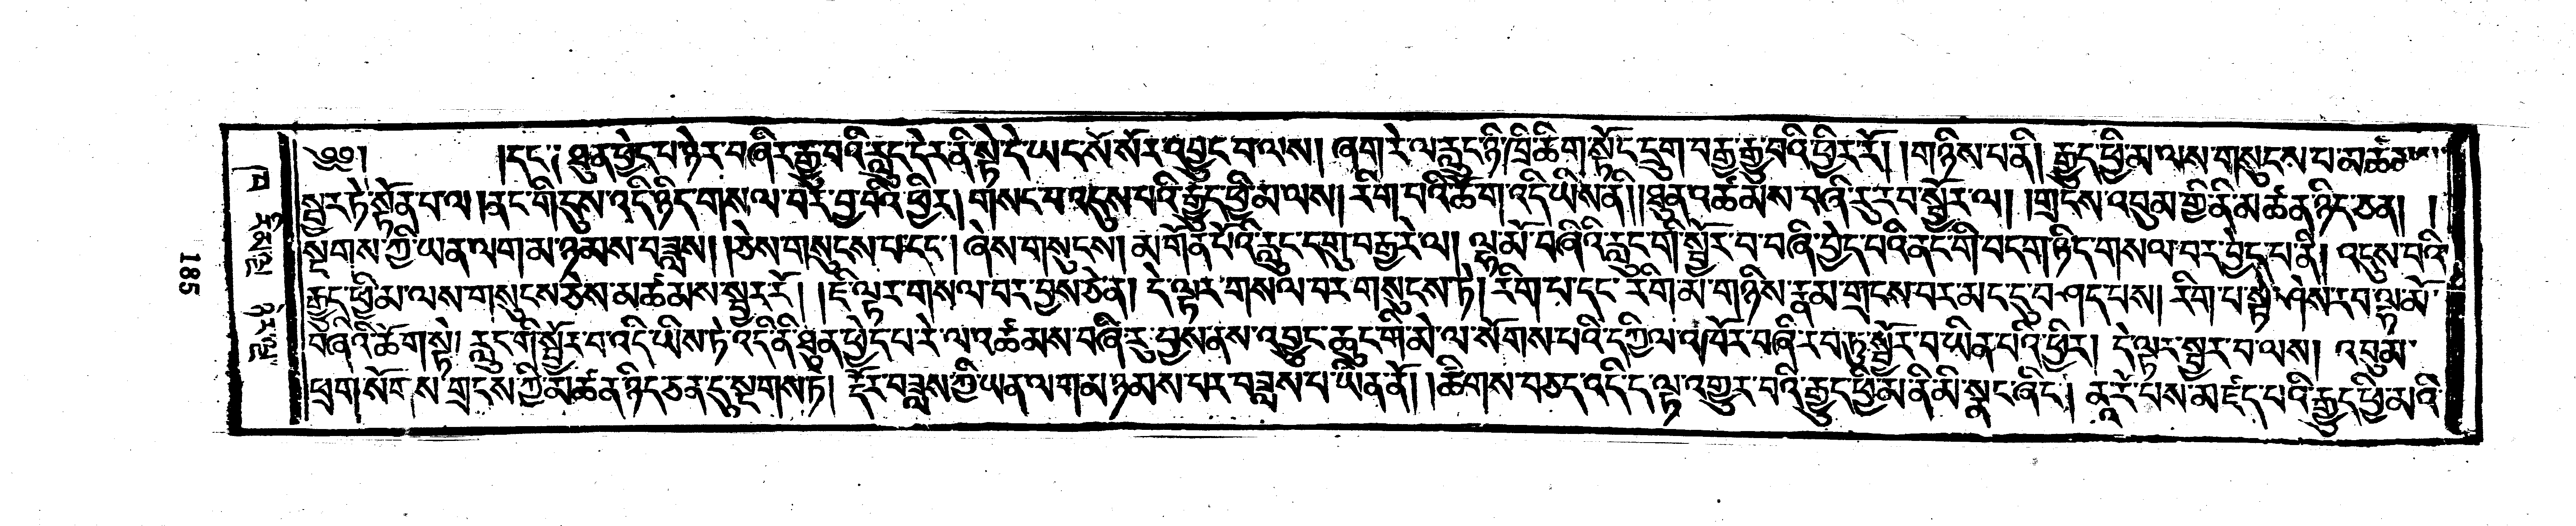༄༅། །དང་། ཐུན་ཕྱེད་པ་ཉེར་བཞིར་རྒྱུ་བའི་རླུང་དེར་ནི་སྟེ་དེ་ཡང་སོ་སོར་འབྱུང་བ་ལས། ཞག་རེ་ལ་རླུང་ཉི་ཁྲི་ཆིག་སྟོང་དྲུག་བརྒྱ་རྒྱུ་བའི་ཕྱིར་རོ། །གཉིས་པ་ནི། རྒྱུད་ཕྱི་མ་ལས་གསུངས་པ་མཚམས་
སྦྱར་ཏེ་སྟོན་པ་ལ། ནང་གི་དུས་འདི་ཉིད་གསལ་བར་བྱ་བའི་ཕྱིར། གསང་བ་འདུས་པའི་རྒྱུད་ཕྱི་མ་ལས། རིག་པའི་ཆོ་ག་འདི་ཡིས་ནི། །ཐུན་འཚམས་བཞི་རུ་རབ་སྦྱོར་ལ། །གྲངས་འབུམ་གྱི་ནི་མཚན་ཉིད་ཅན། །
སྔགས་ཀྱི་ཡན་ལག་མ་ཉམས་བཟླས། །ཅེས་གསུངས་པ་དང་། ཞེས་གསུངས། མགོན་པོའི་རླུང་དགུ་བརྒྱ་རེ་ལ། ལྷ་མོ་བཞིའི་རླུང་གི་སྦྱོར་བ་བཞི་བྱེད་པའི་ནང་གི་བདག་ཉིད་གསལ་བར་བྱེད་པ་ནི། འདུས་པའི་
རྒྱུད་ཕྱི་མ་ལས་གསུངས་ཅེས་མཚམས་སྦྱར་རོ། །ཇི་ལྟར་གསལ་བར་བྱས་ཅེ་ན། དེ་ལྟར་གསལ་བར་གསུངས་ཏེ། རིག་པ་དང་རིག་མ་གཉིས་རྣམ་གྲངས་པར་མང་དུ་བཤད་པས། རིག་པ་སྟེ་ཤེས་རབ་ལྷ་མོ་
བཞིའི་ཆོ་ག་སྟེ། རླུང་གི་སྦྱོར་བ་འདི་ཡིས་ཏེ་འདི་ནི་ཐུན་ཕྱེད་པ་རེ་ལ་འཚམས་བཞི་རུ་བྱས་ནས་འབྱུང་ཆུང་གི་མེ་ལ་སོགས་པའི་དཀྱིལ་འཁོར་བཞི་རབ་ཏུ་སྦྱོར་བ་ཡིན་པའི་ཕྱིར། དེ་ལྟར་སྦྱར་བ་ལས། འབུམ་
ཕྲག་སོགས་གྲངས་ཀྱི་མཚན་ཉིད་ཅན་དུ་སྔགས་ཏེ། རྡོར་བཟླས་ཀྱི་ཡན་ལག་མ་ཉམས་པར་བཟླས་པ་ཡིན་ནོ། །ཚིགས་བཅད་འདི་ད་ལྟ་འགྱུར་བའི་རྒྱུད་ཕྱི་མ་ནི་མི་སྣང་ཞིང་། ནཱ་རོ་པས་མཛད་པའི་རྒྱུད་ཕྱི་མའི་